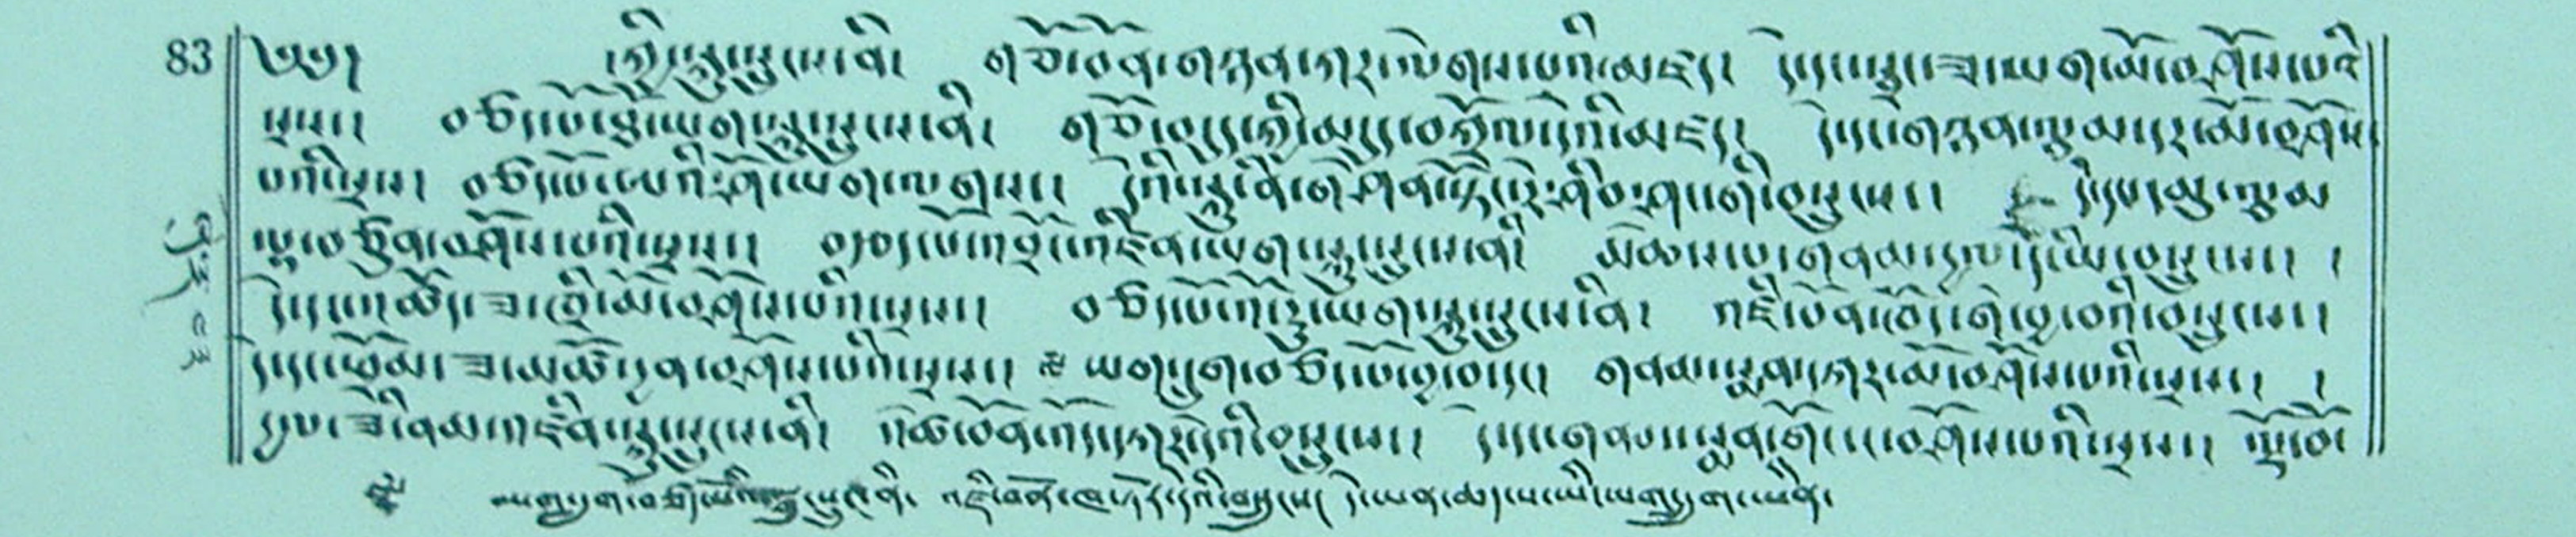༄༅། །ཀྱི་སྐུ་བསྲུངས་ནི། གཅོ་བོན་གཉན་དཀར་ལེགས་པའི་མཛད། དེ་དང་སྦྲང་ཟ་ཡག་མོ་བཤོས་པའི་
སྲས། བཙད་པོ་ཐོ་ཡག་སྐུ་བསྲུངས་ནི། གཅོ་བདུད་ཀྱི་མདུད་བཀྲོལ་དེའི་མཛད། དེ་དང་གཉན་ལྕམ་དར་མོ་བཤོས་
པའི་སྲས། བཙད་པོ་ཨའི་ཤོ་ཡགས་ལགས། དེའི་སྐུ་ནི་གཤེན་སྟོང་རེ་ཤིབ་ཤང་གིས་བསྲུངས། དེ་དང་དམུ་ལྕམ་
ལྷ་བཙུན་བཤོས་པའི་སྲས། བཙད་པོ་འབྲོང་མཛིན་ཡགས་པ་སྐུ་བསྲུངས་ནི། མཆེས་པ་གནམ་རྒྱལ་དེ་ཡིས་བསྲུངས། 
དེ་དང་འཚོད་ཟ་ཁྲི་མོ་བཤོས་པའི་སྲས། བཙད་པོ་འོ་རུ་ཡགས་ཀྱི་སྐུ་བསྲུངས་ནི། འཛི་བོན་ཁོད་གེ་བྱ་བའི་བསྲུངས། 
དེ་དང་ཕྲོམ་ཟ་མཚོ་རྒྱན་བཤོས་པའི་སྲས། ཡག་དྲུག་བཙད་པའི་སྐུ་བསྲུངས་ནི། འཛི་བོན་ཁོ་ཏོར་དེ་ཡིས་བསྲུངས། 
དེ་ཡན་ཆོད་སའི་ཡག་དྲུག་ཡིན། ཡག་དྲུག་བཙད་པོ་བྱ་བ་དང་། གནམ་སྨན་དཀར་མོ་བཤོས་པའི་སྲས། 
རྒྱལ་ཟ་ནམ་འཛིན་སྐུ་བསྲུངས་ནི། མཚེ་བོན་འོད་དཀར་དེ་ཡིས་བསྲུངས། དེ་དང་གནམ་སྨན་གོང་ང་བཤོས་པའི་སྲས། ལྡོ་བོ་